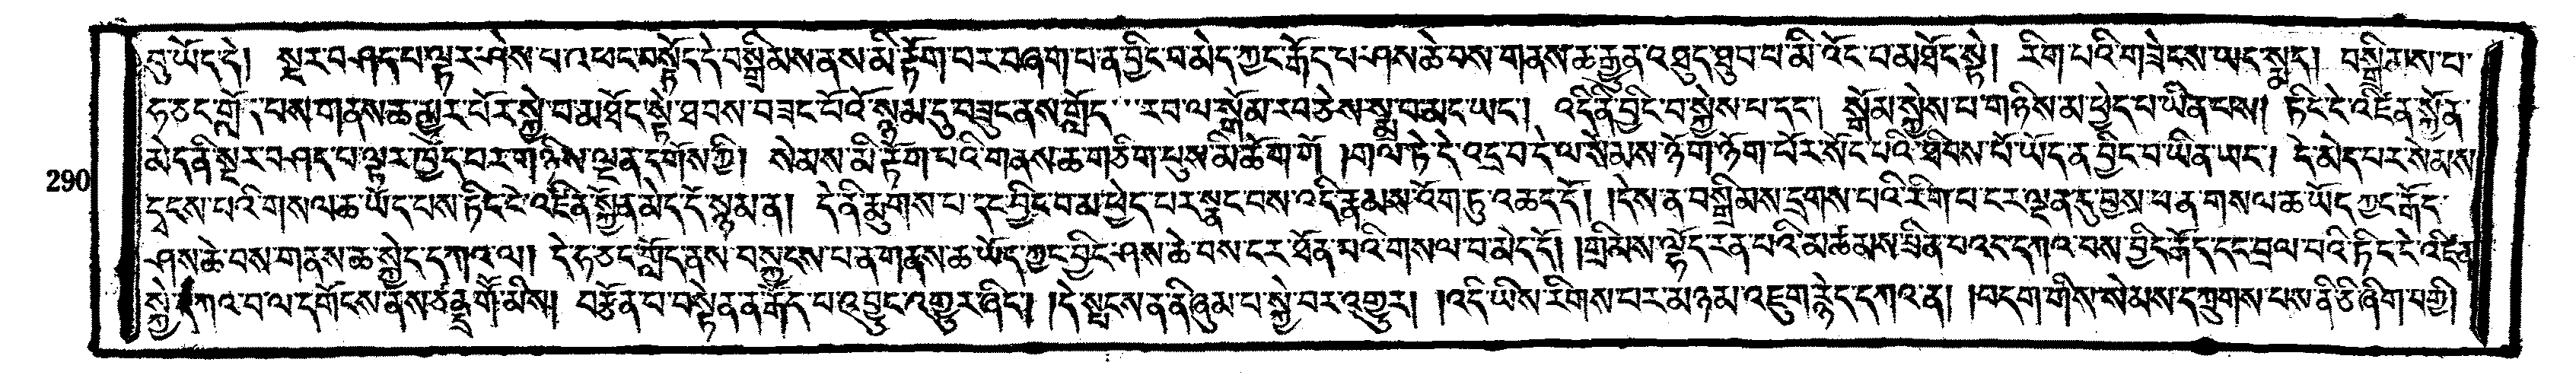བུ་ཡོད་དེ། སྔར་བཤད་པ་ལྟར་ཤེས་པ་འཕང་བསྟོད་དེ་བསྒྲིམས་ནས་མི་རྟོག་བར་བཞག་པ་ན་བྱིང་བ་མེད་ཀྱང་རྒོད་པ་ཤས་ཆེ་བས་གནས་ཆ་རྒྱུན་འཐུད་ཐུབ་པ་མི་འོང་བ་མཐོང་སྟེ། རིག་པའི་གཟེངས་ཡང་སྨད། བསྒྲིམས་པ་
ཧ་ཅང་གློད་པས་གནས་ཆ་མྱུར་པོར་སྐྱེ་བ་མཐོང་སྟེ་ཐབས་བཟང་པོའོ་སྙམ་དུ་བཟུང་ནས་གློད་རབ་ལ་སྒོམ་རབ་ཅེས་སྨྲ་བ་མང་ཡང་། འདི་ནི་བྱིང་བ་སྐྱེས་པ་དང་། སྒོམ་སྐྱེས་པ་གཉིས་མ་ཕྱེད་པ་ཡིན་པས། ཏིང་ངེ་འཛིན་སྐྱོན་
མེད་ནི་སྔར་བཤད་པ་ལྟར་ཁྱད་པར་གཉིས་ལྡན་དགོས་ཀྱི། སེམས་མི་རྟོག་པའི་གནས་ཆ་གཅིག་པུས་མི་ཆོག་གོ། །གལ་ཏེ་དེ་འདྲ་བ་དེ་ལ་སེམས་ཉོག་ཉོག་པོར་སོང་པའི་ཐིབས་པོ་ཡོད་ན་བྱིང་བ་ཡིན་ཡང་། དེ་མེད་པར་སེམས་
དྭངས་པའི་གསལ་ཆ་ཡོད་པས་ཏིང་ངེ་འཛིན་སྐྱོན་མེད་དོ་སྙམ་ན། དེ་ནི་རྨུགས་པ་དང་བྱིང་པ་མ་ཕྱེད་པར་སྣང་བས་འདི་རྣམས་འོག་ཏུ་འཆད་དོ། །དེས་ན་བསྒྲིམས་དྲགས་པའི་རིག་པ་ངར་ལྡན་དུ་བྱས་པ་ན་གསལ་ཆ་ཡོད་ཀྱང་རྒོད་
ཤས་ཆེ་བས་གནས་ཆ་སྐྱེད་དཀའ་ལ། དེ་ཧ་ཅང་གློད་ནས་བསྐྱངས་པ་ན་གནས་ཆ་ཡོད་ཀྱང་བྱིང་ཤས་ཆེ་བས་ངར་ཐོན་པའི་གསལ་བ་མེད་དོ། །གྲིམས་ལྷོད་རན་པའི་མཚམས་ཟིན་པའང་དཀའ་བས་བྱིང་རྒོད་དང་བྲལ་བའི་ཏིང་ངེ་འཛིན་
སྐྱེ་དཀའ་བ་ལ་དགོངས་ནས་ཙནྡྲ་གཽ་མིས། བརྩོན་པ་བསྟེན་ན་རྒོད་པ་འབྱུང་འགྱུར་ཞིང་། །དེ་སྤངས་ན་ནི་ཞུམ་པ་སྐྱེ་བར་འགྱུར། །འདི་ཡིས་རིགས་པར་མཉམ་འཇུག་རྙེད་དཀའ་ན། །བདག་གིས་སེམས་དཀྲུགས་པས་ནི་ཅི་ཞིག་བགྱི།